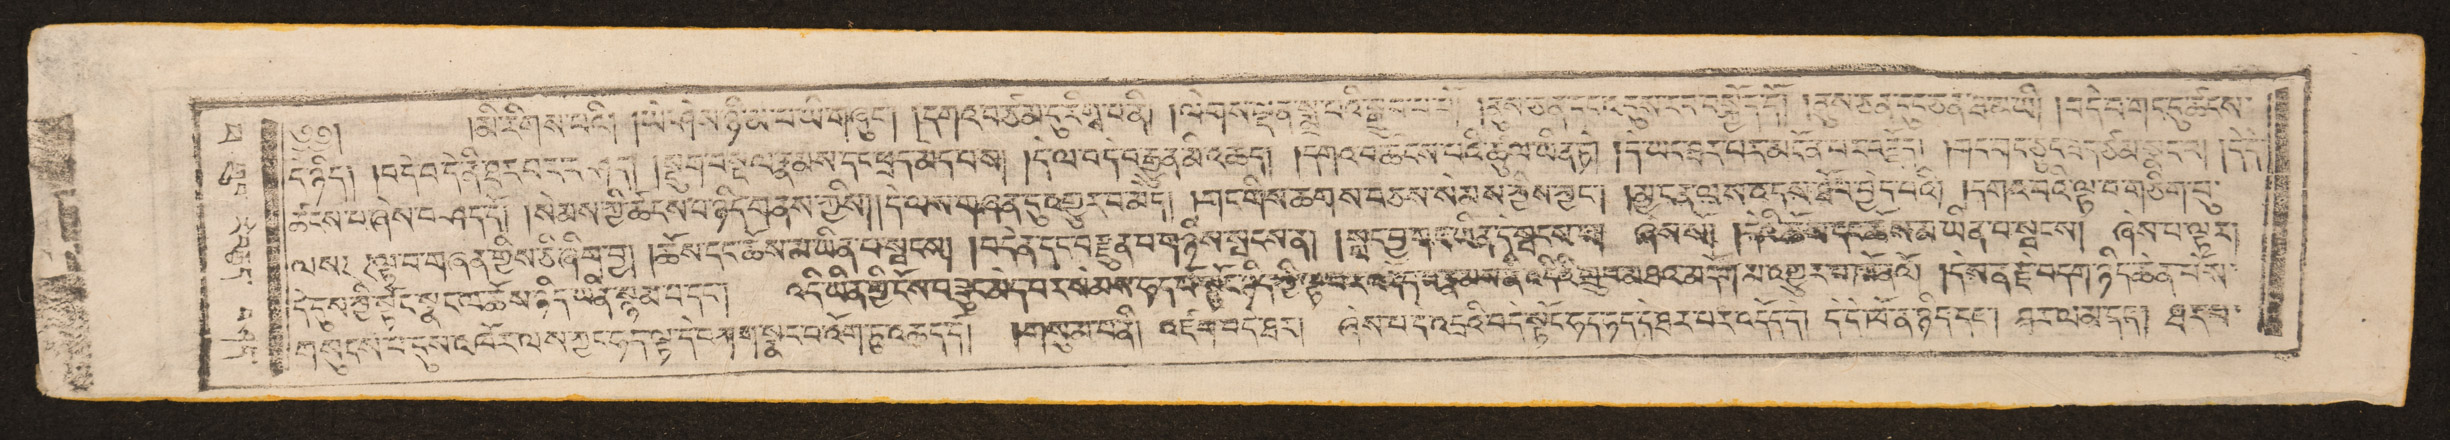༄༅། །མི་རིགས་པའི། །ཡེ་ཤེས་ཉི་མ་པ་ཡི་གཞུང་། །དགའ་བཙམ་དུ་རིགས་པ་ནི། །ལེགས་ལྡན་སྨྲ་པའི་སྒྲུབ་པ་པོ། །ནུས་ཅན་དང་འདུས་རབ་བསྐྱོད་དོ། །ནུས་ཅན་དུང་ཅན་ཐ་མ་ཡི། །བདེ་བ་གང་དུ་ཚངས་
དེ་ཉིད། །བདེ་བ་དེ་ནི་ཐར་པར་བཤད། །སྡུག་བསྔལ་རྣམས་དང་ཕྲད་མེད་པས། །དེ་ལ་བདེ་བ་རྒྱུན་མི་འཆད། །དགའ་བ་ཚངས་པའི་ཚུལ་ཡིན་ཏེ། །དེ་ཡང་ཐར་པར་མངོན་པར་བརྗོད། །གང་གང་ཅུང་ཟད་ཙམ་སྣང་བ། །དེ་དེ་
ཚངས་བ་ཞེས་བཤད་དོ། །སེམས་ཀྱི་ཚངས་པ་ཉིད་གནས་ཀྱིས། །དེ་ལས་གཞན་དུ་འགྱུར་བ་མེད། །གང་གིས་ཆགས་བཅས་སེམས་ཀྱིས་ཀྱང་། །མྱ་ངན་ལས་འདས་ཐོབ་བྱེད་པའི། །དགའ་བའི་ལྟ་བ་གཅིག་བུ་
ལས༑ ༑ལྟ་བ་གཞན་གྱིས་ཅི་ཞིག་བྱ། །ཆོས་དང་ཆོས་མ་ཡིན་པ་སྤངས། །བདེན་དང་བརྫུན་པ་གཉིས་སྤངས་ན། །སྤང་བྱ་གང་ཡིན་དེ་སྤངས་པ། ཞེས་སོ། །དེའི་ཆོས་དང་ཆོས་མ་ཡིན་པ་སྤངས། །ཞེས་པ་ལྟར།
དེ་དུས་གྱི་སྟོང་སྣང་ལ་ཆོས་ཉིད་ཡིན་སྙམ་པ་དང་། འདི་ཡིན་གྱི་ངོས་བཟུང་མེད་པར་སེམས་ཧད་པོ་སྟོང་ཉིད་ཀྱི་ལྟ་བར་འདོད་བ་རྣམས་ནི་འདིའི་གྲུབ་མཐའ་མདོག་མ་འགྱུར་བ་ཁོ་ནའོ། །དེས་ན་རྗེ་བདག་ཉིད་ཆེན་བོས་
གསུངས་པ་དུས་འཁོར་ལས་ཀྱང་ཧད་ལྟ་དེ་བཀག་སྣང་བ་འོག་ཏུ་འཆད་དོ། །གསུམ་པྦ་ནི། འཛག་པ་དེ་ཐར། ཞེས་པ་དེ་འདྲའི་བད་སྟོང་ཧད་ཧད་དེ་ཐར་པར་འདོད་དེ། དེ་དེ་ཁོ་ན་ཉིད་དང་། ཐར་ལམ་དང་། ཐར་པ་